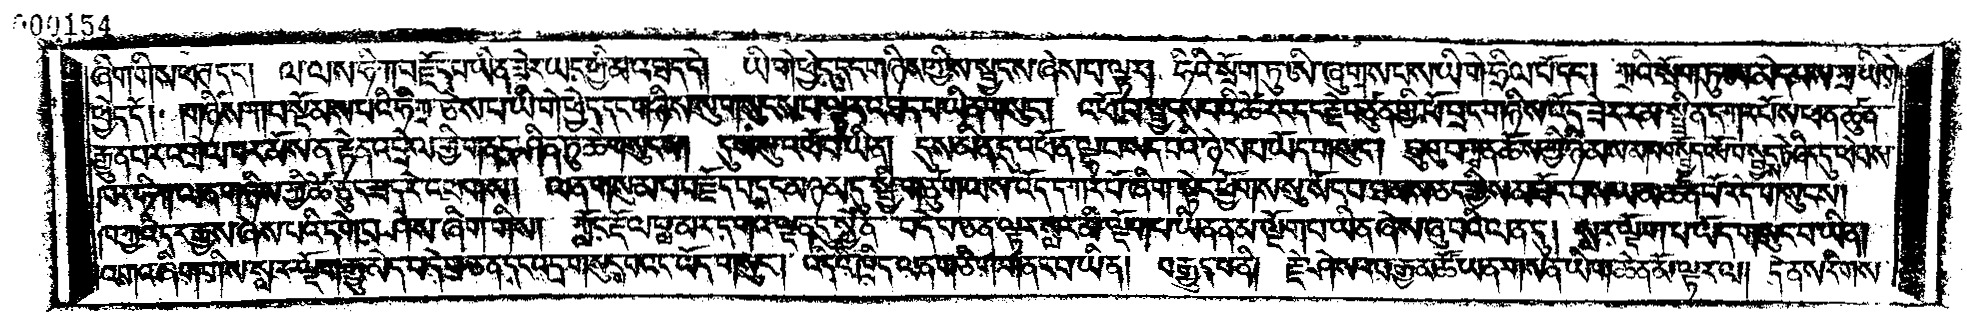ཞིག་གིས་ཕཊ་དང་། ལ་ལས་ཧི་ཀ་བརྗོད་པ་ཡིན་ཟེར་ཡང་ཕྱི་མ་འཐད་དེ། ཡི་གེ་ཕྱེད་དང་གཉིས་ཀྱིས་སྦྱངས་ཞེས་པ་ལྟར། ཧིའི་སྲོག་ཏུ་ཨི་ཞུགས་པས་ཡི་གེ་ཧྲིལ་པོ་དང་། ཀྲའི་སྲོག་ཏུ་ཨ་མེད་པས་ཀྲ་ཡི་གེ་
ཕྱེད་དོ། །གཉིས་ཀ་བསྡོམས་པའི་ཧིཀྲ་ཅེས་པ་ཡི་གེ་ཕྱེད་དང་གཉིས་སུ་གསུངས་པ་ལྟར་འཐད་པ་ཡིན་གསུང་། འཕོ་བ་སྦྱངས་པའི་ཚེ་རང་དང་རྗེ་བཙུན་གྱི་ཕོ་བྲང་གཉིས་འོད་ཟེར་རམ་སྤྲིན་དཀར་པོས་ཕན་ཚུན་
རྒྱུན་པར་འགྲེལ་བར་མོས་ན་རྟེན་འབྲེལ་གྱི་གནད་ཤིན་ཏུ་ཆེ་གསུངས། དུས་སུ་འཕོ་བ་ཡིན། དུས་མིན་དུ་འཕོན་ལྷ་བསད་པའི་ཉེས་པ་ཡོད་གསུང་། ཐུའུ་བཀྭན་ཆོས་ཀྱི་ཉི་མས་མཁའ་སྤྱོད་འཕོ་བ་སྦྱངས་ཏེ་ཞིང་དུ་ཕེབས་
ཁར་ཧི་ཀ་ལན་གཉིས་ཀྱི་ཚེ་ཅུང་ཟད་རེ་འཕགས། ལན་གསུམ་པ་བརྗོད་པ་དང་མཉམ་དུ་སྤྱི་གཙུག་ལས་འོད་དཀར་པོ་ཞིག་སྟེང་ཕྱོགས་སུ་སོང་བ་ཐམས་ཅད་ཀྱིས་མཐོང་བས་ཡ་མཚན་པོ་རེད་གསུངས།
ཁ་ཀྱའི་དར་རྒྱས་ཞེས་པའི་དགེ་བཤེས་ཞིག་གིས། ཀློང་རྡོལ་བླ་མར་དགའ་ལྡན་དུ་སྐྱེ་ན་བདེ་བ་ཅན་ལྟར་སླར་མི་ལྡོག་པ་ཡིན་ནམ་ལྡོག་པ་ཡིན་ཞེས་ཞུ་བའི་ལན་དུ། སླར་ལྡོག་པ་ཡོད་གསུང་བ་ཡིན།
འགའ་ཞིག་གིས་སླར་ལྡོག་རྒྱུ་མེད་བདེ་བ་ཅན་དང་འདྲ་གསུངས་བའང་ཡོད་གསུང་། འདིའི་ཁྲིད་ལན་གཅིག་གནང་བ་ཡིན། བརྒྱུད་པ་ནི། རྗེ་ཤེས་རབ་རྒྱ་མཚོ་ཡན་གསན་ཡིག་ཆེན་མོ་ལྟར་ལ། དེ་ནས་རིགས་